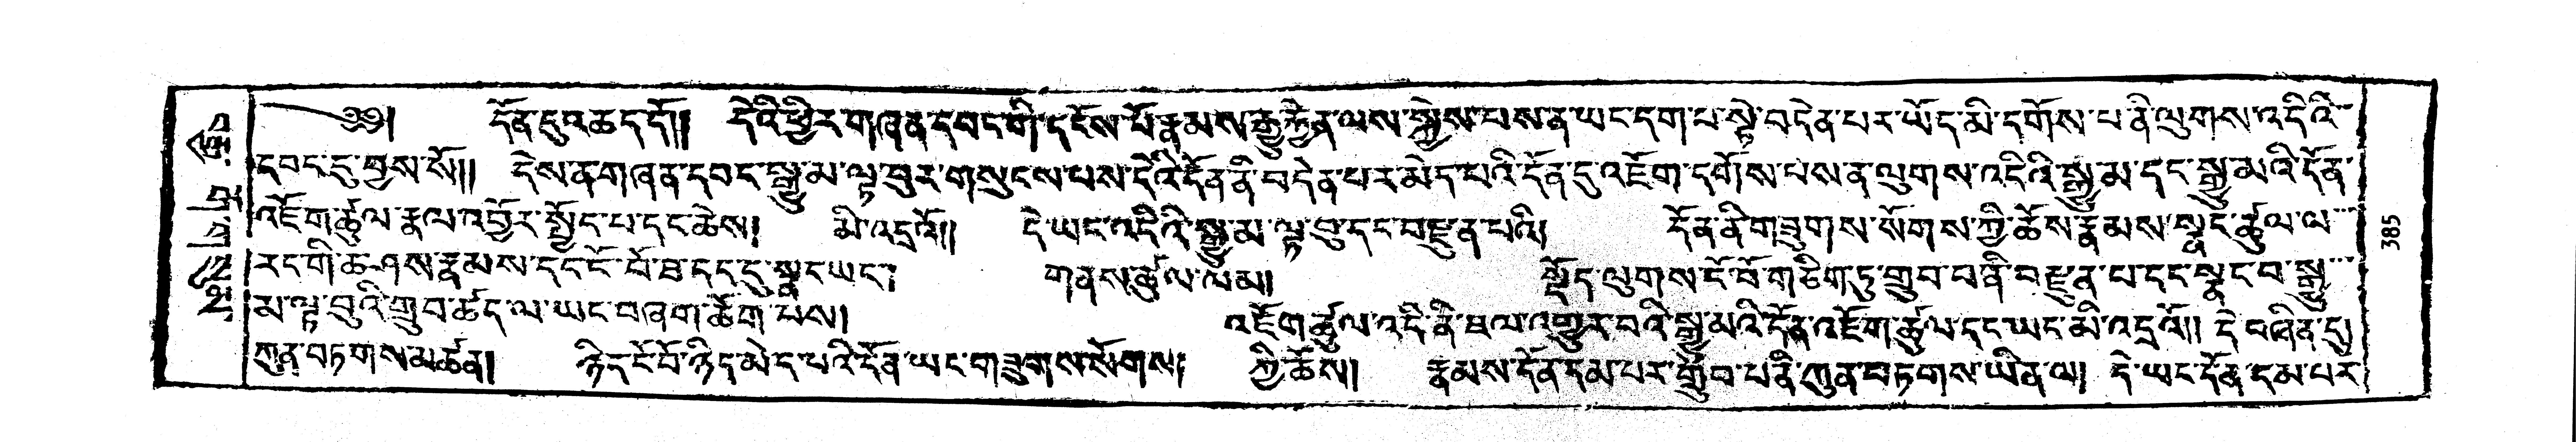༄༅། །དོན་དུ་འཆད་དོ། །དེའི་ཕྱིར་གཞན་དབང་གི་དངོས་པོ་རྣམས་རྒྱུ་རྐྱེན་ལས་སྐྱེས་པས་ན་ཡང་དག་པ་སྟེ་བདེན་པར་ཡོད་མི་དགོས་པ་ནི་ལུགས་འདིའི་
དབང་དུ་བྱས་སོ། །དེས་ན་གཞན་དབང་སྒྱུ་མ་ལྟ་བུར་གསུངས་པས་དེའི་དོན་ནི་བདེན་པར་མེད་པའི་དོན་དུ་འཇོག་དགོས་པས་ན་ལུགས་འདིའི་སྒྱུ་མ་དང་སྒྱུ་མའི་དོན་
འཇོག་ཚུལ་རྣལ་འབྱོར་སྤྱོད་པ་དང་ཆེས། མི་འདྲའོ། །དེ་ཡང་འདིའི་སྒྱུ་མ་ལྟ་བུ་དང་བརྫུན་པའི། དོན་ནི་གཟུགས་སོགས་ཀྱི་ཆོས་རྣམས་སྣང་ཚུལ་ལ་
རང་གི་ཆ་ཤས་རྣམས་དང་ངོ་བོ་ཐ་དད་དུ་སྣང་ཡང་། གནས་ཚུལ་ལམ། སྡོད་ལུགས་ངོ་བོ་གཅིག་ཏུ་གྲུབ་པ་ནི་བརྫུན་པ་དང་སྣང་བ་སྒྱུ་
མ་ལྟ་བུའི་གྲུབ་ཚད་ལ་ཡང་བཞག་ཆོག་པས། འཇོག་ཚུལ་འདི་ནི་ཐལ་འགྱུར་བའི་སྒྱུ་མའི་དོན་འཇོག་ཚུལ་དང་ཡང་མི་འདྲའོ། །དེ་བཞིན་དུ།
ཀུན་བཏགས་མཚན། ཉིད་ངོ་བོ་ཉིད་མེད་པའི་དོན་ཡང་གཟུགས་སོགས། ཀྱི་ཆོས། རྣམས་དོན་དམ་པར་གྲུབ་པ་ནི་ཀུན་བཏགས་ཡིན་ལ། དེ་ཡང་དོན་དམ་པར་